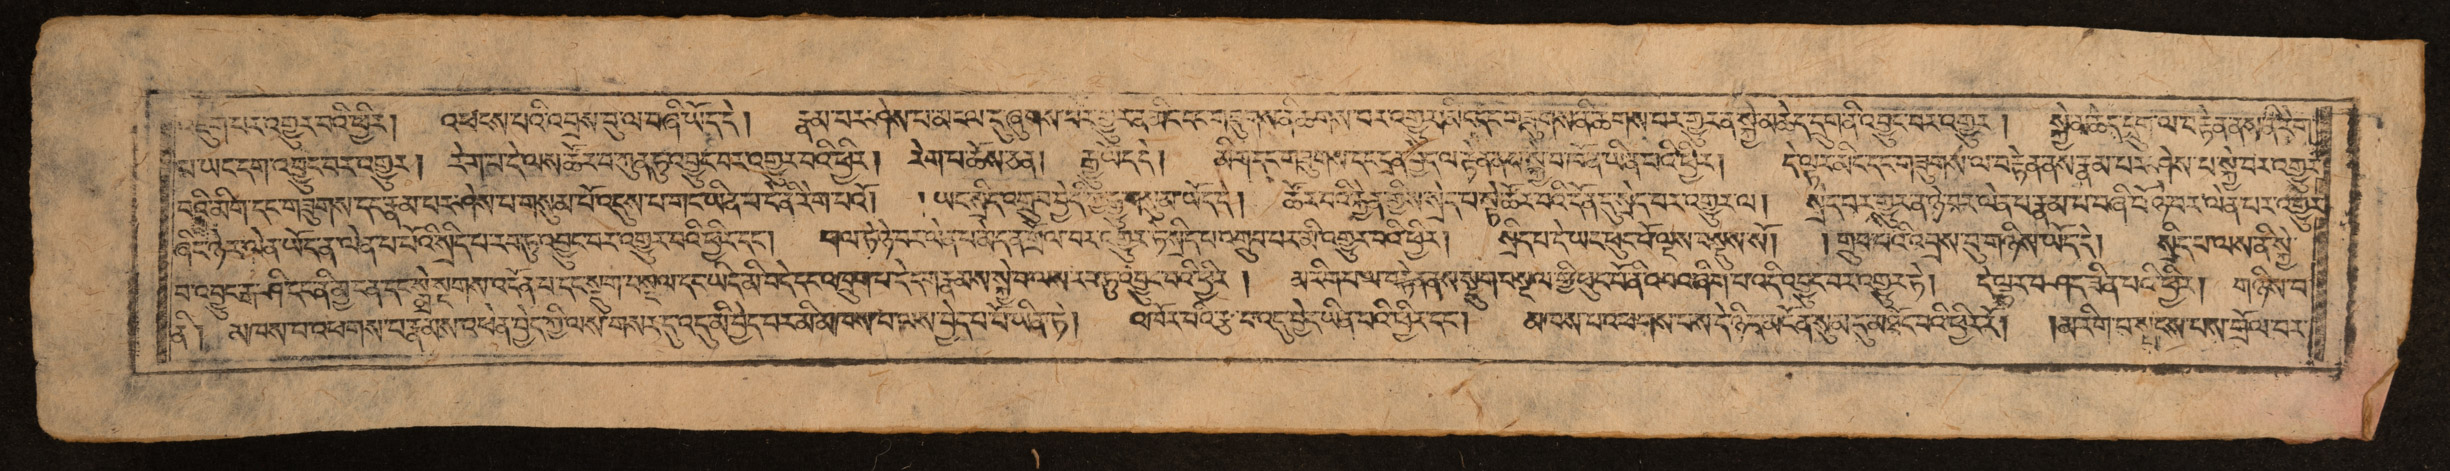འཇུག་པར་འགྱུར་བའི་ཕྱིར། འཕངས་པའི་འབྲས་བུ་ལ་བཞི་ཡོད་དེ། རྣམ་པར་ཤེས་པ་མངལ་དུ་ཞུགས་པར་གྱུར་ན་མིང་དང་གཟུགས་ནི་ཆགས་པར་འགྱུར། མིང་དང་གཟུགས་ནི་ཆགས་པར་གྱུར་ན་སྐྱེ་མཆེད་དྲུག་ནི་འབྱུང་བར་འགྱུར། སྐྱེ་མཆེད་དྲུག་ལ་བརྟེན་ནས་ནི་རེག་
པ་ཡང་དག་འབྱུང་བར་འགྱུར། རེག་པ་དེ་ལས་ཚོར་བ་ཀུན་ཏུ་འབྱུང་བར་འགྱུར་བའི་ཕྱིར། རེག་པ་ཆོས་ཅན། རྒྱུ་ཡོད་དེ། མིག་དང་གཟུགས་དང་དྲན་བྱེད་ལ་རྟེན་ནས་སྐྱེ་བ་ཁོ་ན་ཡིན་པའི་ཕྱིར། དེ་ལྟར་མིང་དང་གཟུགས་ལ་བརྟེན་ནས་རྣམ་པར་ཤེས་པ་སྐྱེ་བར་འགྱུར་
བའི་མིག་དང་གཟུགས་དང་རྣམ་པར་ཤེས་པ་གསུམ་པོ་འདུས་པ་གང་ཡིན་པ་དེ་ནི་རེག་པའོ། །ཡང་སྲིད་འགྲུབ་བྱེད་ཀྱི་རྒྱུ་གསུམ་ཡོད་དེ། ཚོར་བའི་རྐྱེན་གྱིས་སྲེད་པ་སྟེ་ཚོར་བའི་དོན་དུ་སྲེད་པར་འགྱུར་ལ། སྲེད་པར་གྱུར་ན་ཉེ་བར་ལེན་པ་རྣམ་པ་བཞི་པོ་ཉེ་བར་ལེན་པར་འགྱུར་
ཞིང་ཉེར་ལེན་ཡོད་ན་ལེན་པ་པོའི་སྲིད་པ་རབ་ཏུ་འབྱུང་བར་འགྱུར་བའི་ཕྱིར་དང་། གལ་ཏེ་ཉེ་བར་ལེན་པ་མེད་ན་གྲོལ་བར་འགྱུར་ཏེ་སྲིད་པ་འགྲུབ་པར་མི་འགྱུར་བའི་ཕྱིར། སྲིད་པ་དེ་ཡང་ཕུང་པོ་ལྔས་བསྡུས་སོ། །གྲུབ་པའི་འབྲས་བུ་གཉིས་ཡོད་དེ། སྲིད་པ་ལས་ནི་སྐྱེ་
པ་འབྱུང་རྒ་ཤི་དང་ནི་མྱ་ངན་དང་སྨྲེ་སྔགས་འདོན་པ་དང་སྡུག་བསྔལ་དང་ཡིད་མི་བདེ་དང་འཁྲུག་པ་དེ་དག་རྣམས་སྐྱེ་བ་ལས་རབ་ཏུ་འབྱུང་བའི་ཕྱིར། མ་རིག་པ་ལ་བརྟེན་ནས་སྡུག་བསྔལ་གྱི་ཕུང་པོ་ནི་འབའ་ཞིག་པ་འདི་འབྱུང་བར་འགྱུར་ཏེ། དེ་ལྟར་བཤད་ཟིན་པའི་ཕྱིར། གཉིས་པ་
ནི། མཁས་པ་འཕགས་པ་རྣམས་འཕེན་བྱེད་ཀྱི་ལས་གསར་དུ་འདུ་མི་བྱེད་པར་མི་མཁས་པ་ལས་བྱེད་པ་པོ་ཡིན་ཏེ། འཁོར་བའི་རྩ་བ་འདུ་བྱེད་ཡིན་པའི་ཕྱིར་དང་། མཁས་པ་འཕགས་པས་དེ་ཉིད་མངོན་སུམ་དུ་མཐོང་བའི་ཕྱིར་རོ། །མ་རིག་པ་སྤངས་པས་གྲོལ་བར་